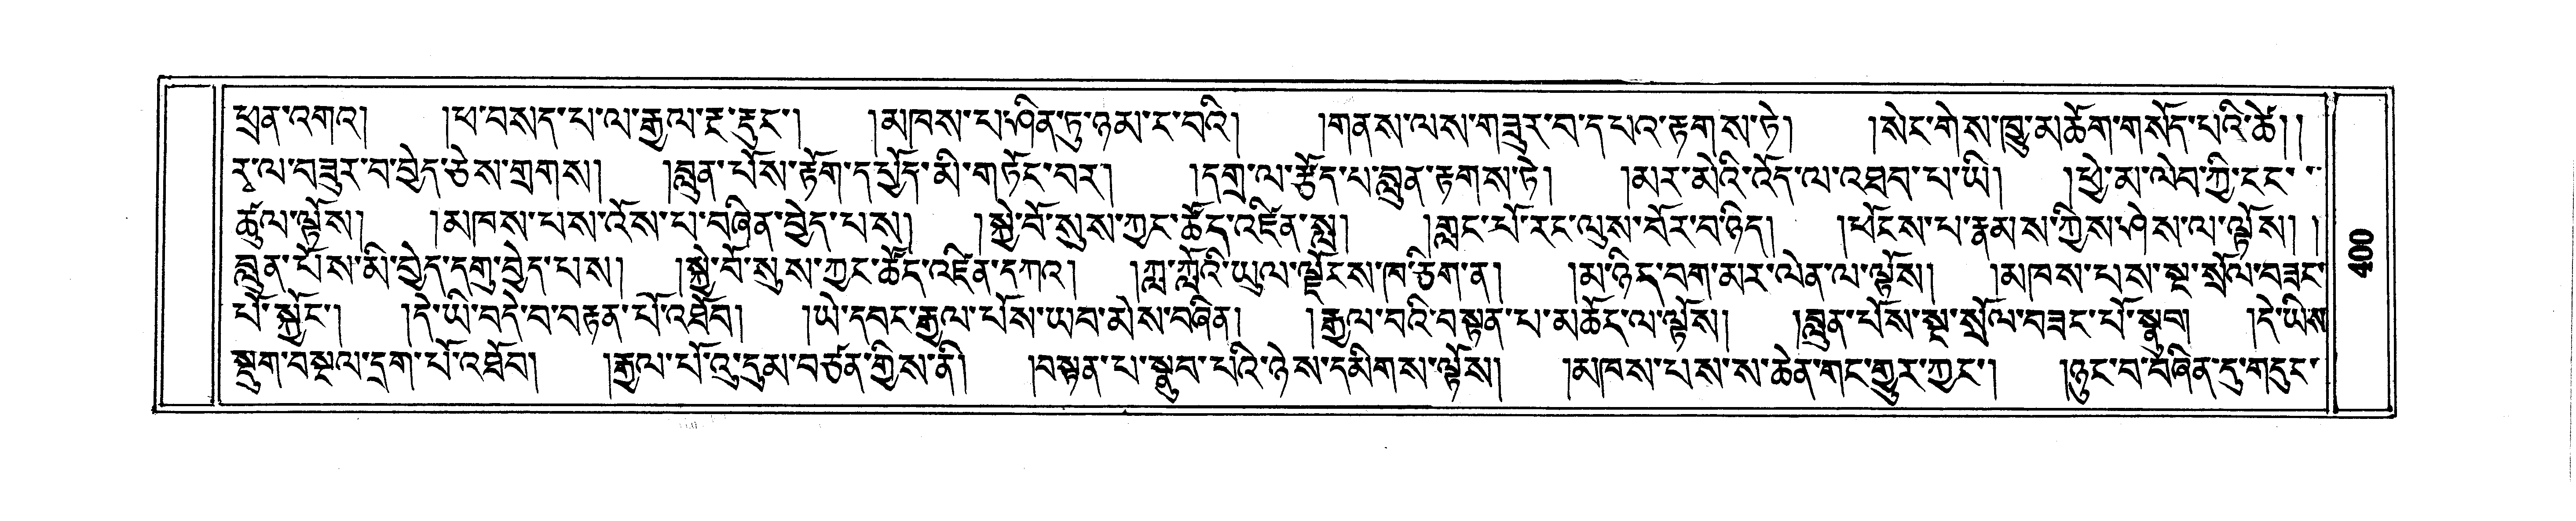ཕྲན་འགའ། །ཕ་བསད་པ་ལ་རྒྱས་རྔ་རྡུང་། །མཁས་པ་ཤིན་ཏུ་ཉམ་ང་བའི། །གནས་ལས་གཟུར་བ་དཔའ་རྟགས་ཏེ། །སེང་གེས་ཁྱུ་མཆོག་གསོད་པའི་ཚེ།།
རྭ་ལ་བཟུར་བ་བྱེད་ཅེས་གྲགས། །བླུན་པོས་རྟོག་དཔྱོད་མི་གཏོང་བར། །དགྲ་ལ་རྩོད་པ་བླུན་རྟགས་ཏེ། །མར་མེའི་འོད་ལ་འཐབ་པ་ཡི། །ཕྱེ་མ་ལེབ་ཀྱི་ངང་
ཚུལ་ལྟོས། །མཁས་པས་འོས་པ་བཞིན་བྱེད་པས། །སྐྱེ་པོ་སུས་ཀྱང་ཚོད་འཛིན་སླ། །གླང་པོ་རྣག་ལུས་བོར་བ་ཉིད། །ཕོངས་པ་རྣམས་ཀྱིས་ཤེས་ལ་ལྟོས།།
བླུན་པོས་མི་བྱེད་དགུ་བྱེད་པས། །སྐྱེ་བོ་སུས་ཀྱང་ཚོད་འཛིན་དཀའ། །ཀླ་ཀློའི་ཡུལ་ལྗོངས་ཁ་ཅིག་ན། །མ་ཉིད་བག་མར་ལེན་ལ་ལྟོས། །མཁས་པས་སྔ་སྲོལ་བཟང་
པོ་སྐྱོང་། །དེ་ཡི་བདེ་བ་བརྟན་པོ་འཐོབ། །ཡེ་དབང་རྒྱལ་པོས་ཡབ་མེས་བཞིན། །རྒྱལ་བའི་བསྟན་པ་མཆོད་ལ་ལྟོས། །བླུན་པོས་སྔ་སྲོལ་བཟང་པོ་སྣུབ། །དེ་ཡིས་
སྡུག་བསྔལ་དྲག་པོ་འཐོབ། །རྒྱལ་པོ་འུ་དུམ་བཙན་གྱིས་ནི། །བསྟན་པ་སྣུབ་པའི་ཉེས་དམིགས་ལྟོས། །མཁས་པས་ས་ཆེན་གང་གྱུར་ཀྱང་། །ཉུང་བ་བཞིན་དུ་གདུང་